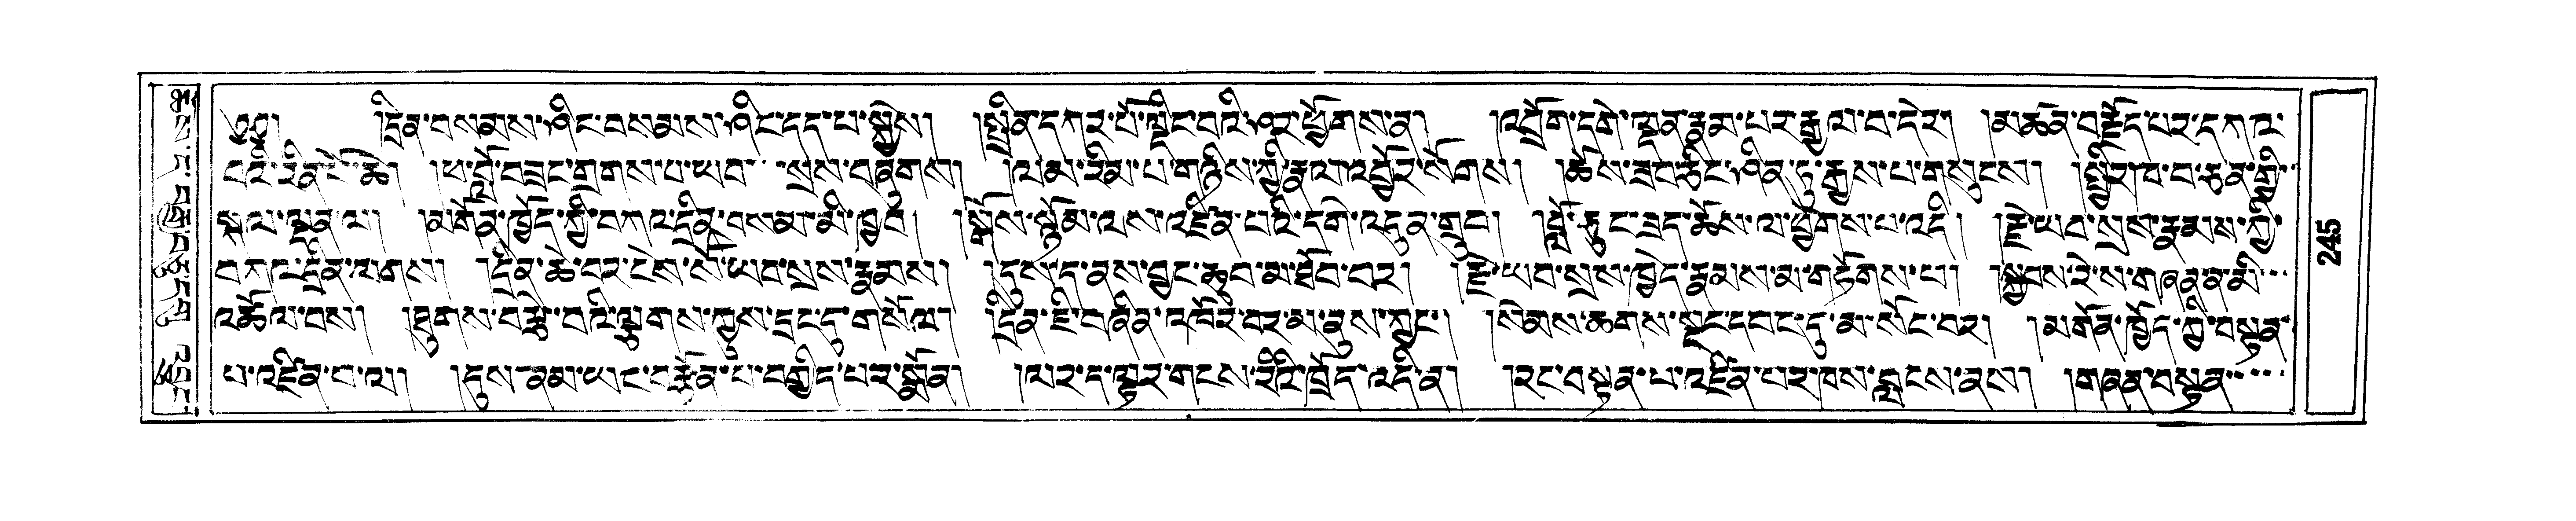༄༅། །དྲིན་བསམས་ཤིང་བསམས་ཤིང་དད་པ་སྐྱེས། །སྤྲིན་དཀར་པོ་ལྡིང་བའི་ཤར་ཕྱོགས་ན། །འབྲོག་དགེ་ལྡན་རྣམ་པར་རྒྱལ་བ་དེར། །མཚན་བརྗོད་པར་དཀའ་
བའི་རིན་པོ་ཆེ། །ཕ་བློ་བཟང་གྲགས་པ་ཡབ་སྲས་བཞུགས། །ལམ་རིམ་པ་གཉིས་ཀྱི་རྣལ་འབྱོར་སོགས། །ཆོས་ཟབ་ཅིང་ཤིན་ཏུ་རྒྱས་པ་གསུངས། །སྤྱིར་ཁ་བ་ཅན་གྱི་
སྐལ་ལྡན་ལ། །མགོན་ཁྱོད་ཀྱི་བཀའ་དྲིན་བསམ་མི་ཁྱབ། །སོགས་སྙོམ་ལས་འཛིན་པའི་དགེ་འདུན་གྲུབ། །བློ་ཅུང་ཟད་ཆོས་ལ་ཕྱོགས་པ་འདི། །རྗེ་ཡབ་སྲས་རྣམས་ཀྱི་
བཀའ་དྲིན་ལགས། །དྲིན་ཆེ་བར་ངེས་སོ་ཡབ་སྲས་རྣམས། །དུས་ད་ནས་བྱང་ཆུབ་མ་ཐོབ་བར། །རྗེ་ཡབ་སྲས་ཁྱེད་རྣམས་མ་གཏོགས་པ། །སྐྱབས་རེ་ས་གཞན་ན་མི་
འཚོལ་བས། །ཐུགས་བརྩེ་བའི་ལྕགས་ཀྱུས་དྲང་དུ་གསོལ། །དྲིན་ཇི་བཞིན་འཁོར་བར་མ་ནུས་ཀྱང་། །སེམས་ཆགས་སྡང་དབང་དུ་མ་སོང་བར། །མགོན་ཁྱོད་ཀྱི་བསྟན་
པ་འཛིན་པ་ལ། །དུས་ནམ་ཡང་བརྩོན་པ་བགྱིད་པར་སྨོན། །ལར་ད་ལྟར་གངས་རིའི་ཁྲོད་འདི་ན། །རང་བསྟན་པ་འཛིན་པར་ཁས་བླངས་ནས། །གཞན་བསྟན་